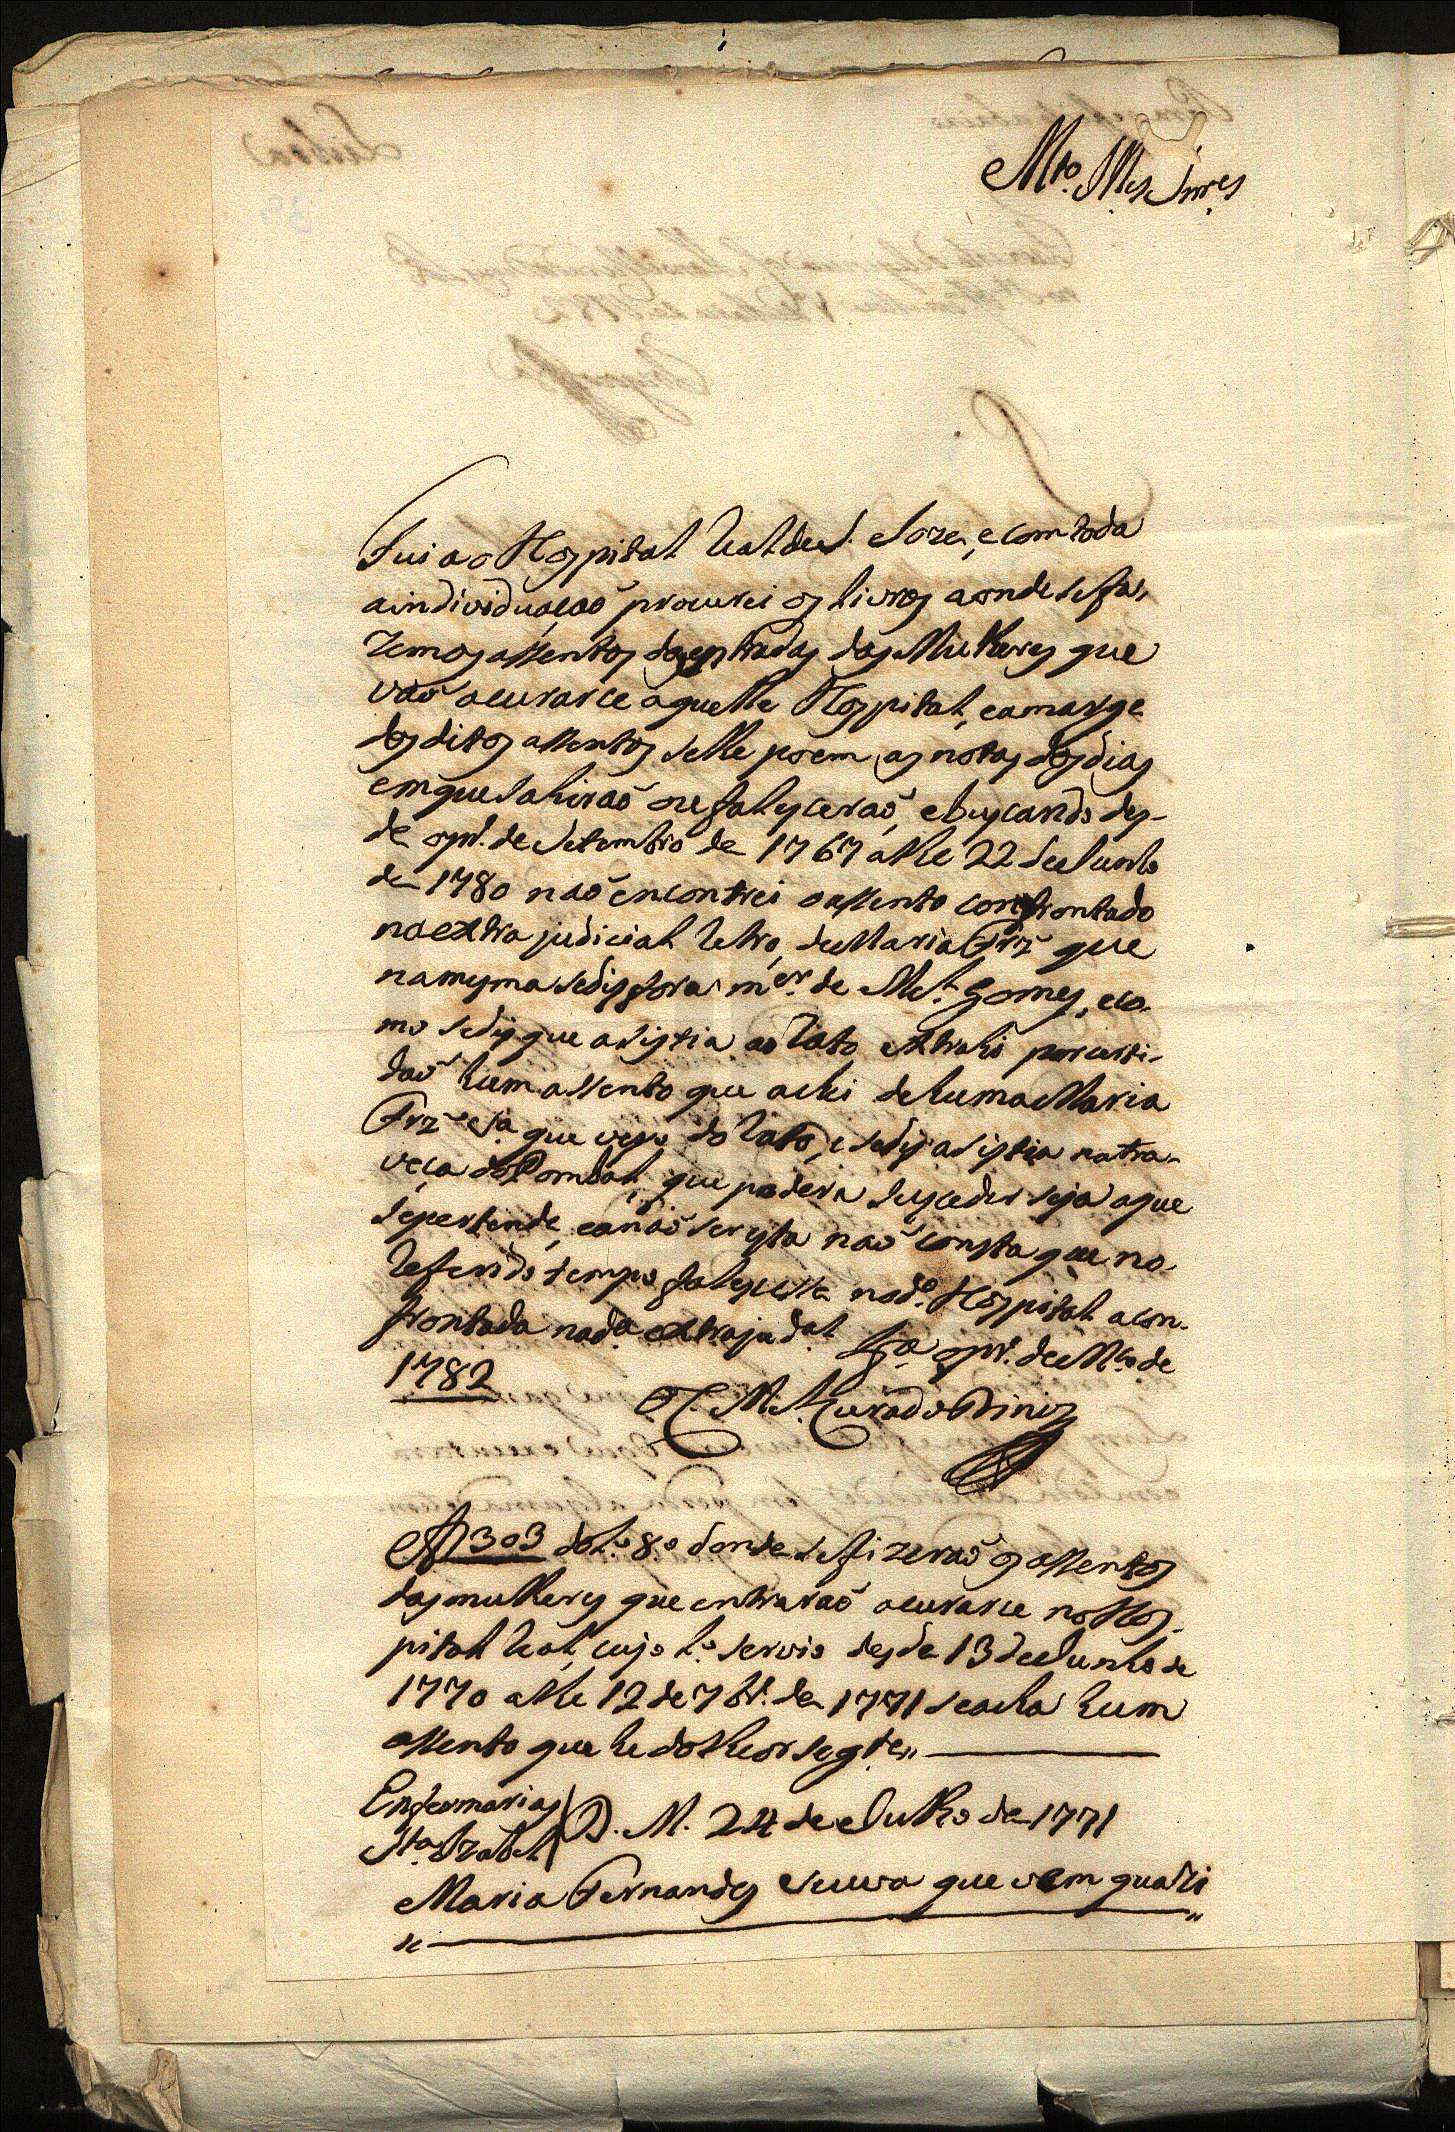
M.to Ill.es Snr.es
Fui ao Hospital Real de S. Ioze, e com toda
a individuaçaõ procurei os Livros aonde se fa,
zem os assentos das entradas das Mulheres que
vaõ a curarce aquelle Hospital, e a marge
dos ditos assentos selhe poem as notas dos dias
em que sahiraõ ou falesceraõ, e buscando des
de o pr.o de setembro de 1767 athé 22 de Iunho
de 1780 naõ encontrei o assento confrontado
na extra judicial Retro, de Maria Frz̄ que
na mesma se dis fora m.er de M.el Gomes, e co
mo se dis que asistia ao Rato extrahi por certi
daõ hum assento que achei de huma Maria
Frz̄ s.a que veyo do Rato, e se dis asistia na tra
veça do Pombal, que podera susceder seja a que
se pertende e a naõ ser esta naõ consta que no
Referido tempo falescessa no d.o Hospital a con
frontada na d.a extrajud.al Lx.a o pr.o de M.co de
1782
O P. M.el Curado Diniz
Fl 303 do L.o 8.o donde se fizeraõ os assentos
das mulheres que entraraõ a curarce no Hos
pital Real, cujo L.o servio desde 13 de Iunho de
1770 athe 12 de 7bro. de 1771 se acha hum
assento que he do theor seg.te
Enfermarias
S.ta Izabel/ D. M. 24 de Iulho de 1771
Maria Fernandes veuva que vem quazi
se-
